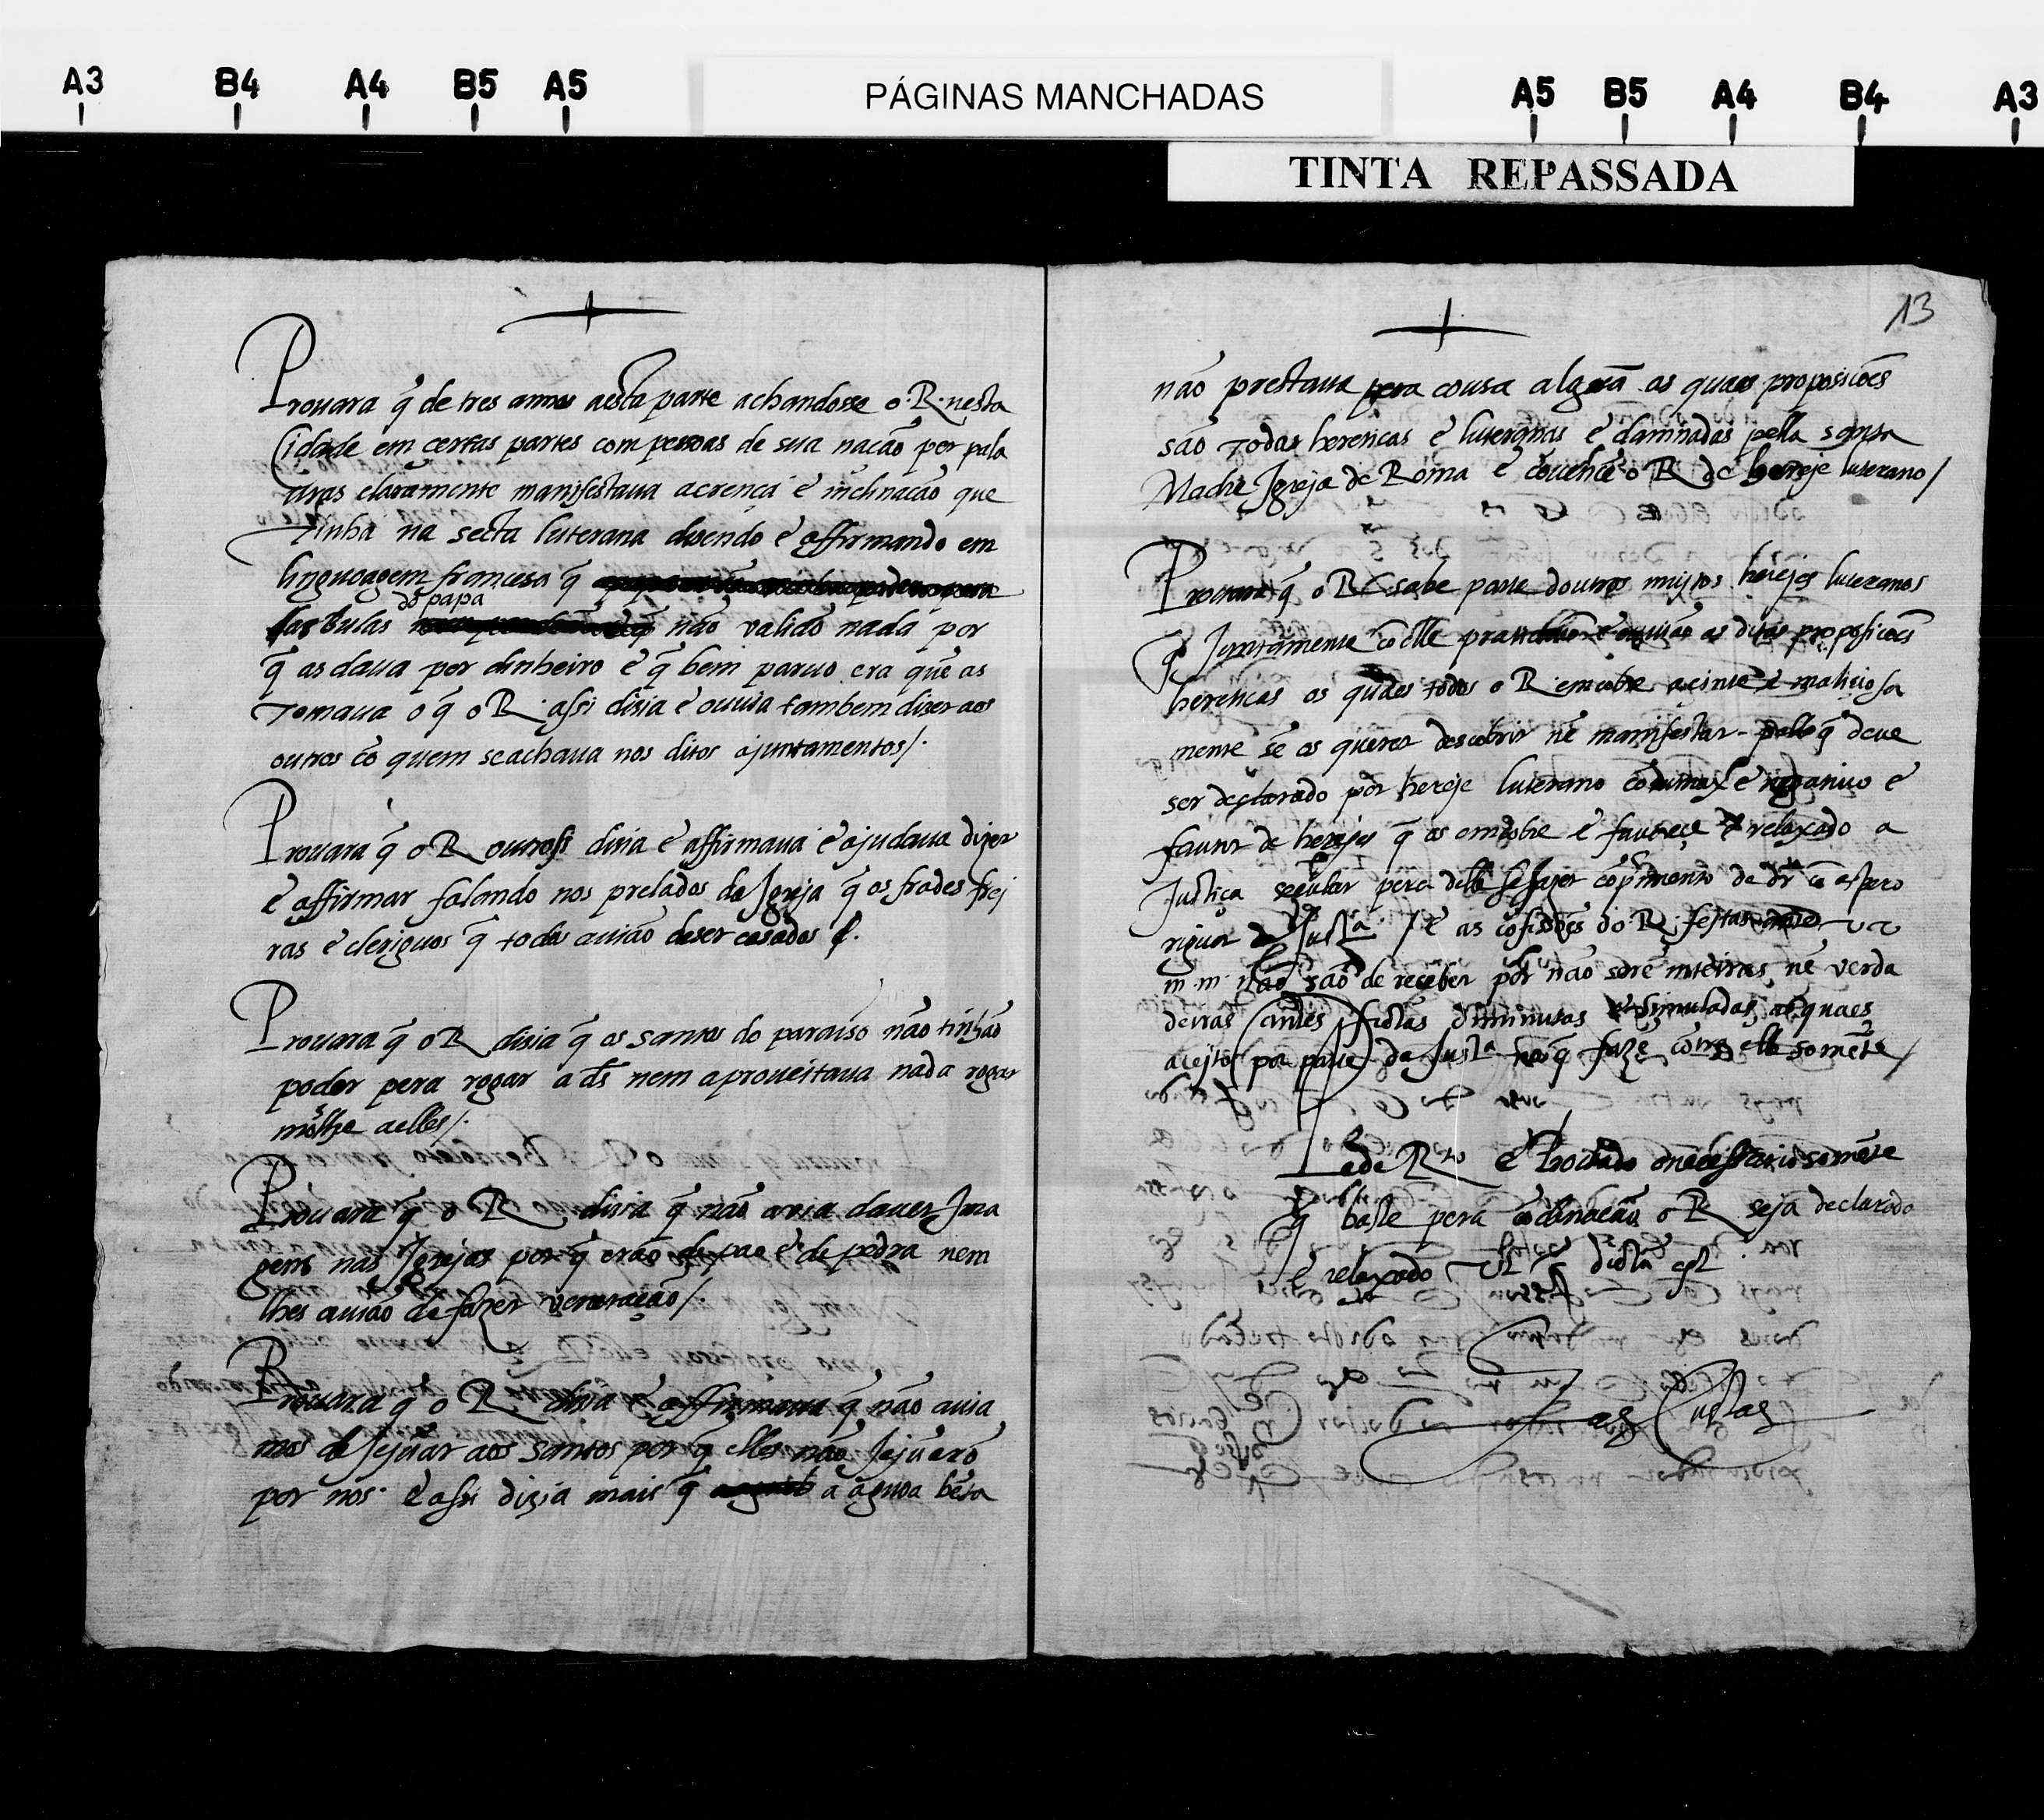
Prouara q̄ de tres annos a esta parte achandosse o .R. nesta
Cidade em certas partes com pessoas de sua nação por pala
uras claramente manifestaua a crença e inclinaçaõ que
tinha na secta luterana disendo e affirmando em
linguoagem francesa q̄ _
as Bulas
do papa
não valiaõ nada por
q̄ as daua por dinheiro e q̄ bem paruo era quē as
Tomaua o q̄ o R. assi disia e ouuia tambem dizer aos
outros cō quem se achaua nos ditos ajuntamentos /.
Prouara q̅ o R outrosi disia e affirmaua e ajudaua dizer
e affirmar falando nos prelados da Jgreja q̅ os frades frej
ras e cleriguos q̄ todos auião de ser casados
Prouara q̅ o R dizia q̄ os santos do paraiso não tinhão
poder pera rogar a d̄s nem aproueitaua nada rogar
moslhe a elles /.
Prouara q̄ o R. dizia q̄ naõ avia dauer Jma
gens nas Jgrejas porq̄ eraõ de pao e de pedra nem
lhes auião de fazer veneração /.
Prouara q̄ o R dizia e afirmaua q̄ naõ auia
mes de Jejūar os santos porq̄ elles naõ Jejūarō
por nos. e assi dizia mais q̄ _ a aguoa bēta
naõ prestaua pera cousa alguā as quaes proposições
são todas hereticas e luteranas e damnadas pella santa
Madre Jgreja de Roma e cōuencē o R de hereje luterano /
Prouara q̄ o R sabe parte doutros mujtos herejes luteranos
q̄ Jumtamente cō elle praticauō e ouuiaõ as ditas proposiçoẽs
hereticas os quaes todos o R. emcobre acinte e maliciosa
mente sē os querer descobrir ne̅ manifestar. pello q̄ deue
ser declarado por hereje luterano cōtumax e negatiuo e
fautor de herejes q̄ os emcobre e fauorece e relaxado a
Justiça secular pera delle se fazer cōp̄imento de drto cō aspero
riguor da Justa / e as cōfissoẽs do .R. fejtas ante ut
m. m. não saõ de receber por não serē inteiras nē verda
deiras antes fictas diminutas e simuladas, as quaes
acejto por parte da Justa no q̄ fazē com elle somēte /
Pede Rto e Prouado o necessario somēte
q̄ baste pera cōdenação o R seja declarado
e relaxado ut q̄ dicta est
E as Custas
